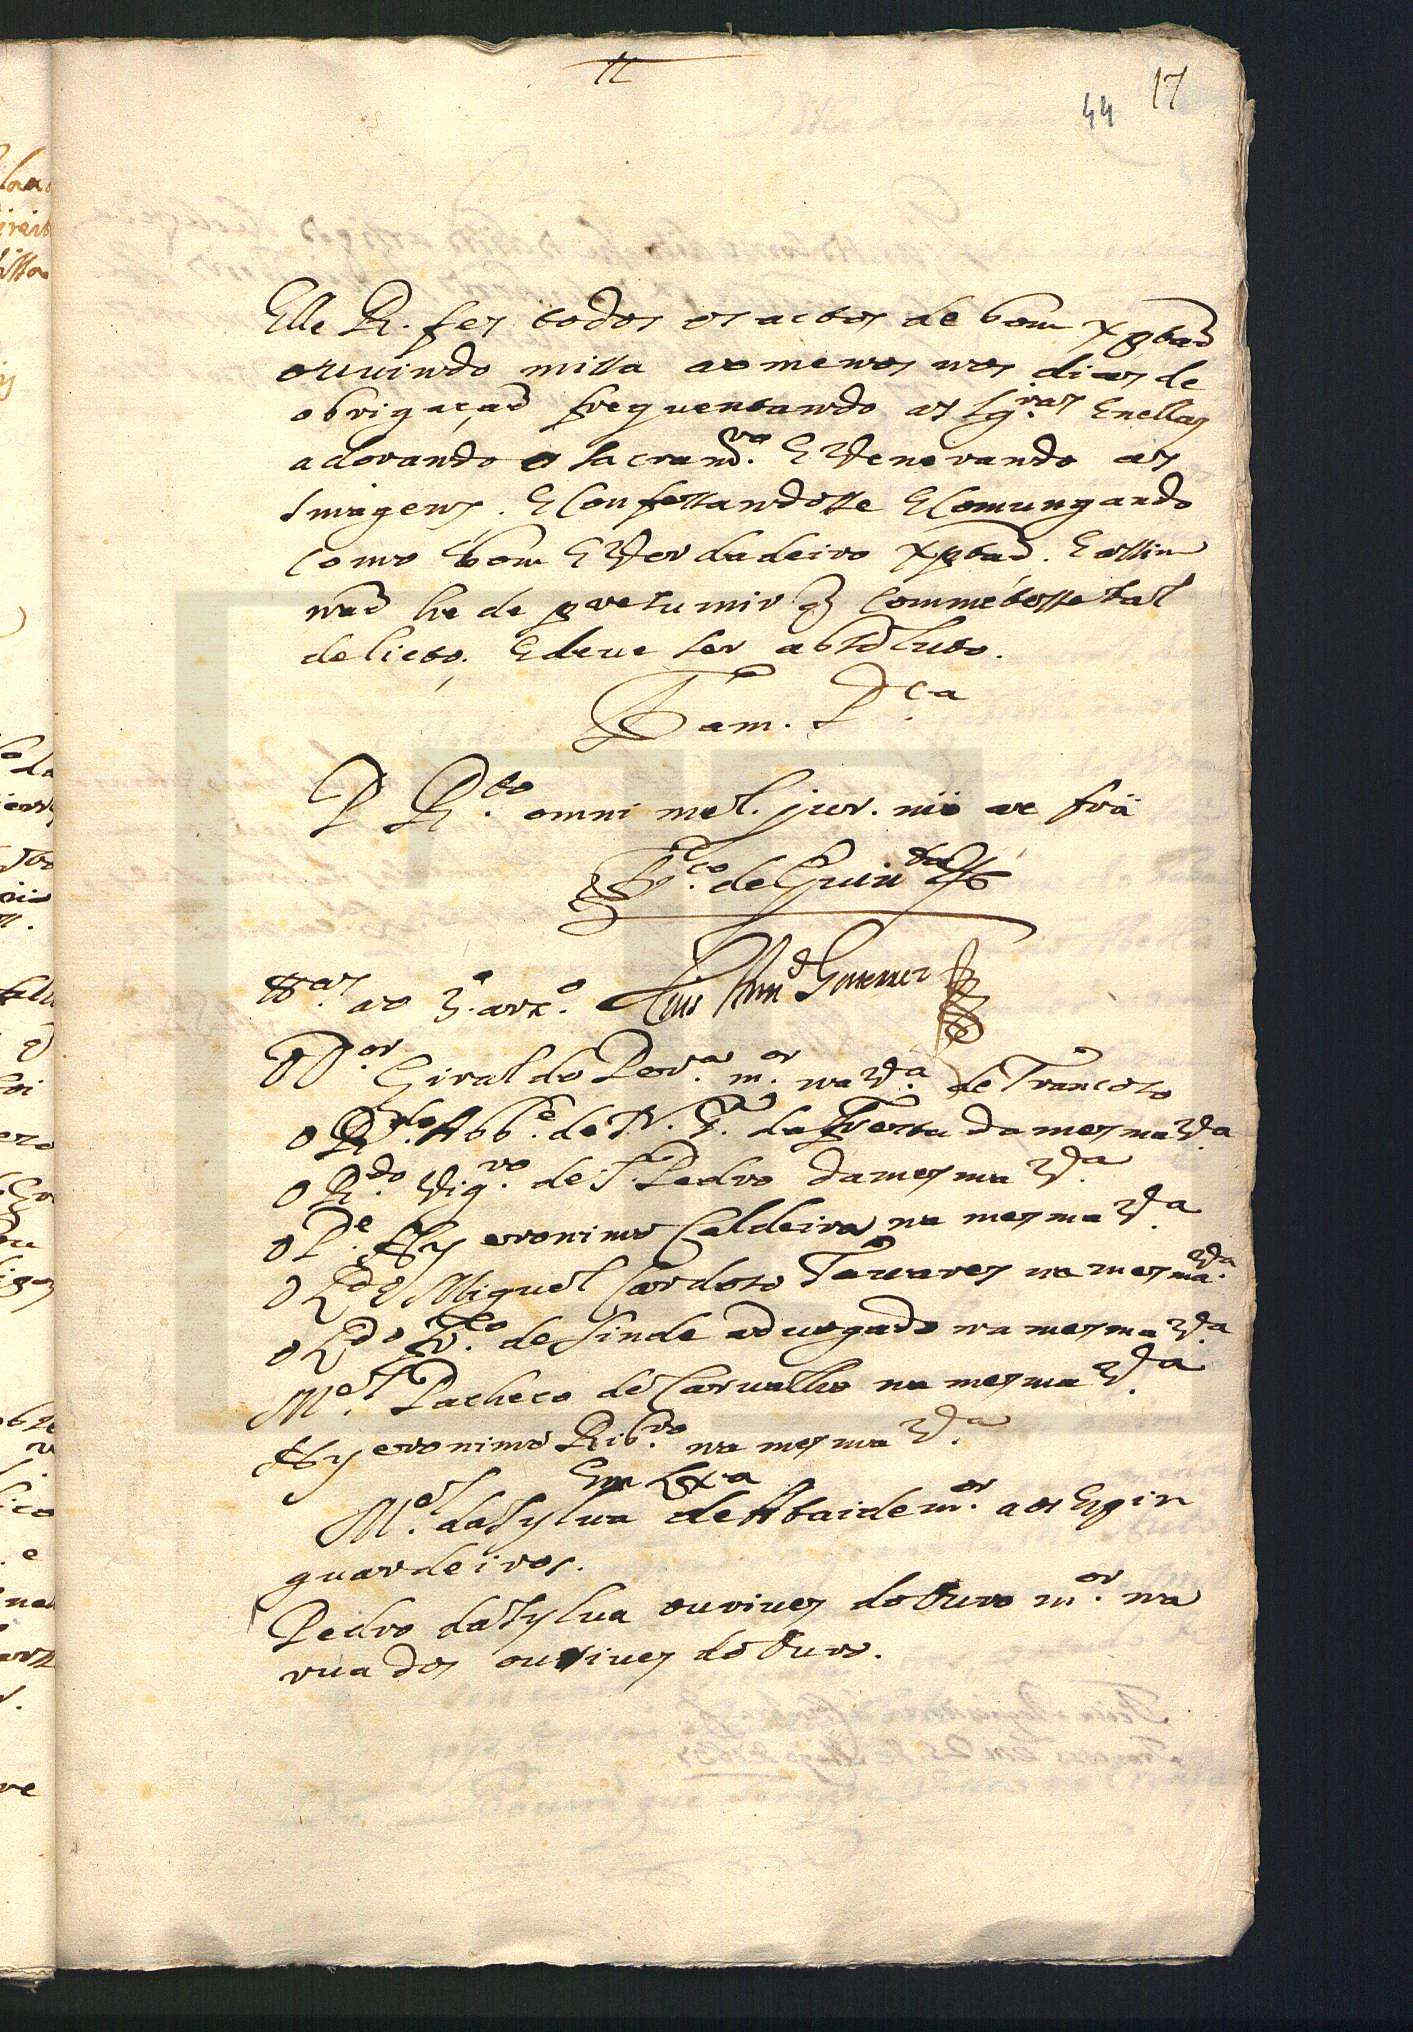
Elle R. fez todos os actos de bom xptaõ
ouuindo missa ao menos aos dias de
obrigaçaõ frequentando as Ig.ras E nellas
adorando o sacram.to E Venerando as
Imagens; E Confessandosse E Comungando
Como bom E Verdadeiro Xptaõ; E assim
naõ he de prezumir q̄ Commetesse tal
delicto; E deue ser absoluto.
Tam. Pça
ttas. ao 3.o art.o
O D.or Giraldo Per.a m.or na V.a de Trancozo
O Rdo. Abbe. de N. S.ra da Fresta da mesma V.a
O Rdo. Vigro. de S. Pedro da mesma V.a
O Pe. Hyeronimo Caldeira na mesma V.a
O Ldo Miguel Cardoso Tauares na mesma V.a
O Ldo Fr.co de Sinde aduogado na mesma V.a
Mel. Pacheco de Carualho na mesma V.a
Hyeronimo Rib.ro na mesma V.a
Em Lx.a
M.el da Sylua de Ataide mor. aos Espin
guardeiros.
Pedro da Sylua ouriues do Ouro mor. na
rua dos ouriues do Ouro.
